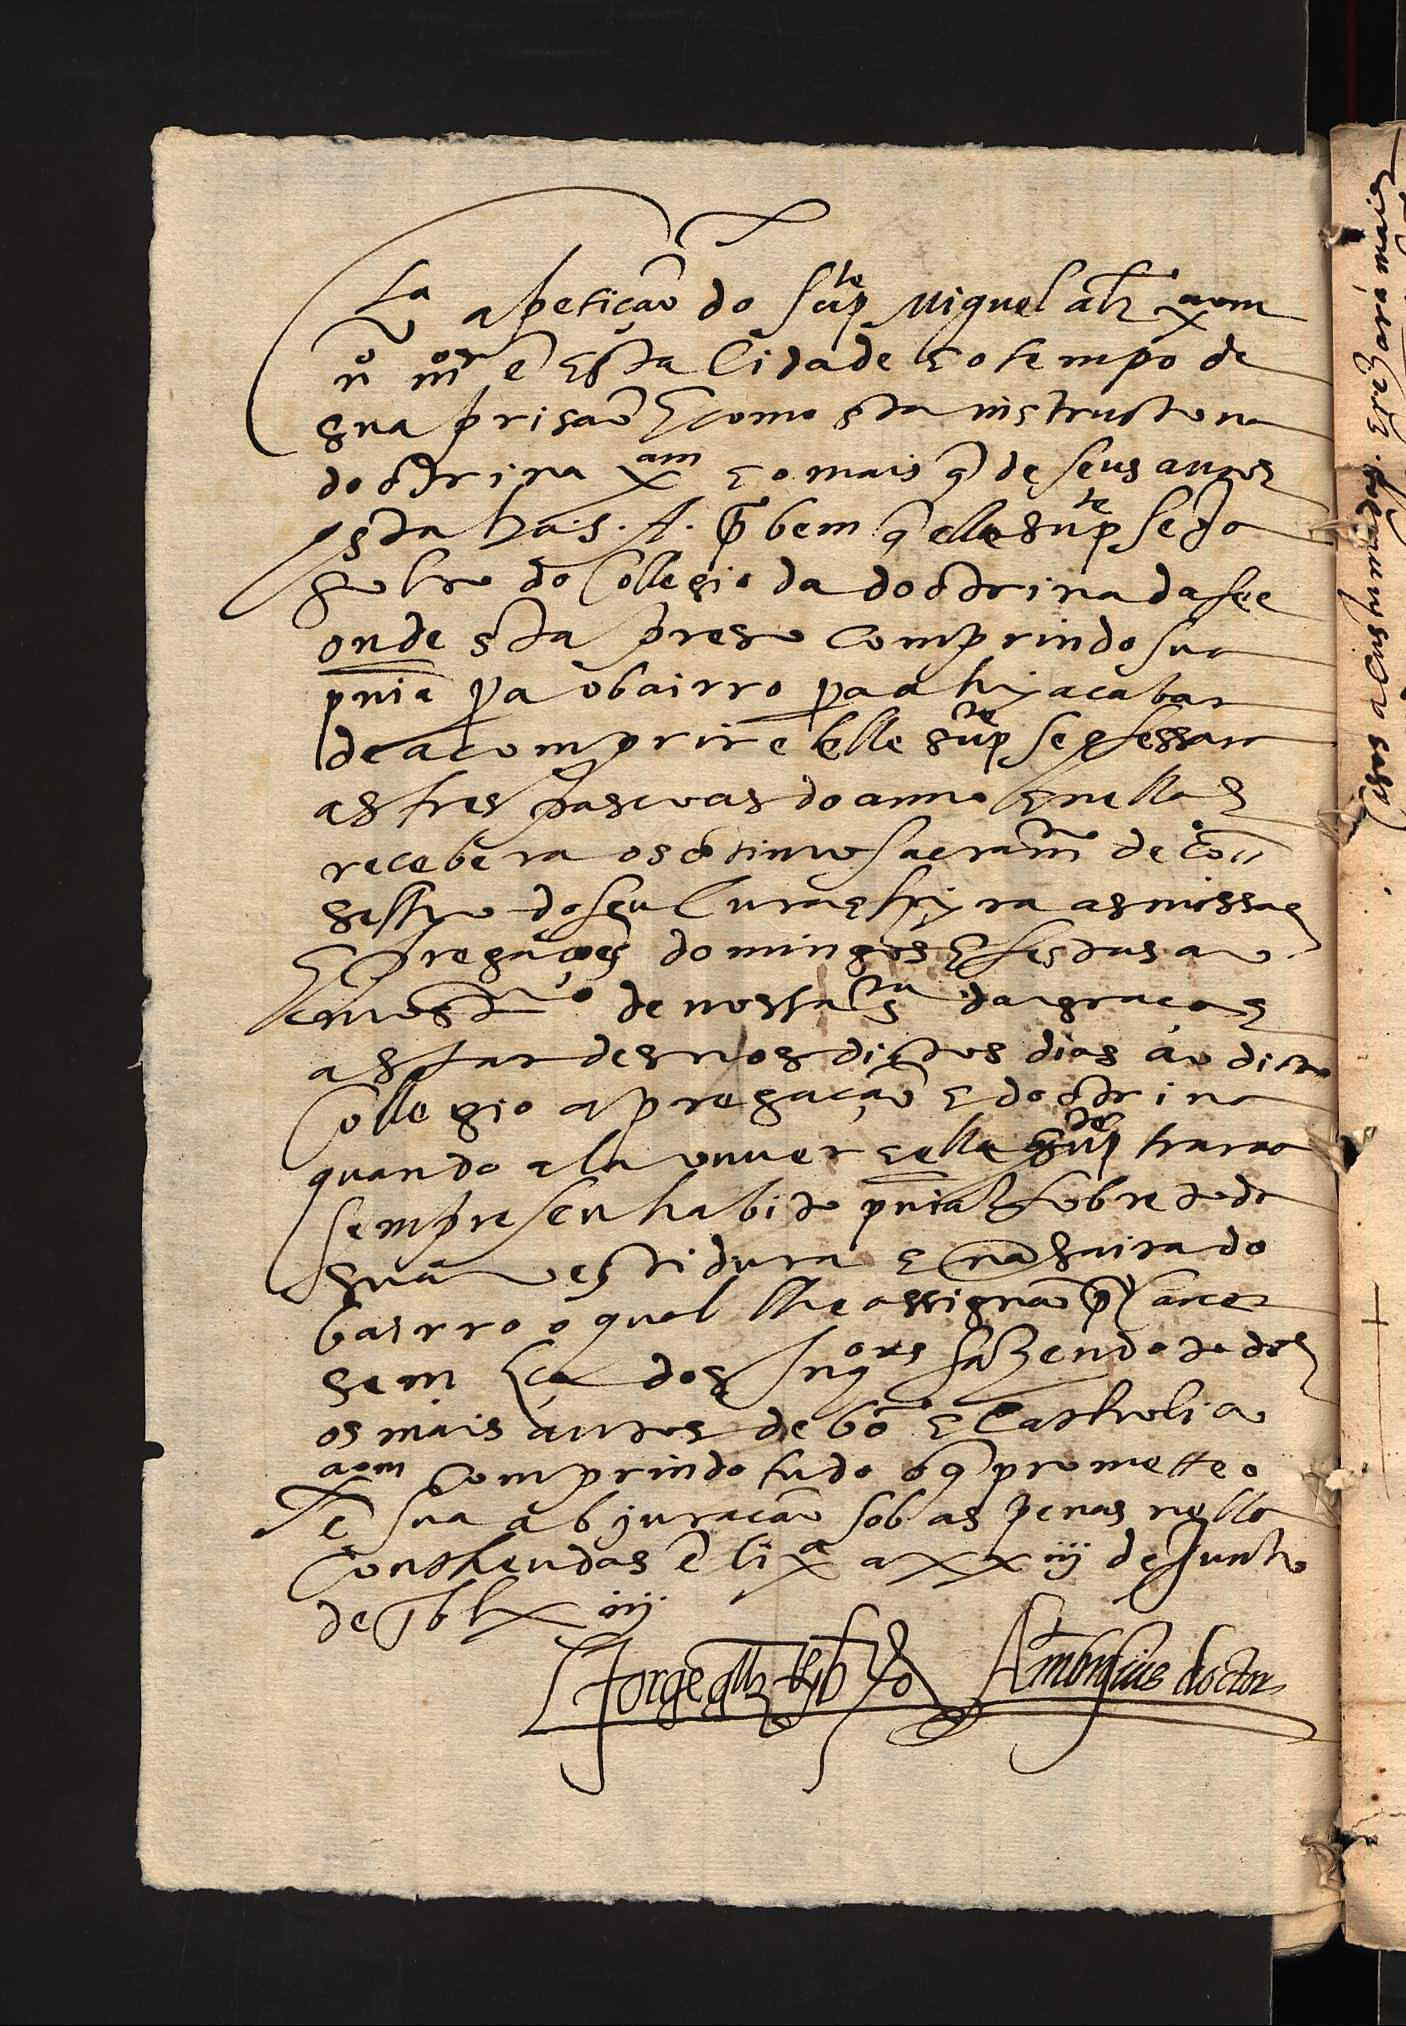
vta a petição do supte Miguel ālz Xaom
no mor ē Esta cidade E o tempo de
sua prisaõ E como sta instructo na
doctrina Xam E o mais q̄ de seus autos
ꝯsta ha S. A. p̄o bem q̄ elle supte seJa
solto do Collegio da doctrina da fee
onde sta preso comprindo sua
p̄nia ꝑa o bairro ꝑa ahy acabar
de a comprir e elle supte se ꝯfessara
as tres pascoas do anno E nellas
recebera o s_timo Sacramto de cō
selho do seu Cura E hyra as missas
E pregações domingos E festas ao
mostro de nossa sra da graça E
as tardes nos dictos dias ao dicto
Collegio a pregação E doctrina
quando ela ouuer E elle supte traraa
sempre seu habito p̄niaL sobre toda
sua vestidura E nā saira do
bairro o qual lhe assignão p̄o Cartas
sem Lça dos Jnqors fazendo todos
os mais autos de bō E Catholico
Xaom comprindo tudo o q̄ prometteo
ē sua abjuração sob as penas nella
Contheudas ē lixa a xxiij de Junho
de j̄blxiij
Ambrosius doctor
Jorge ḡllz Rybro
